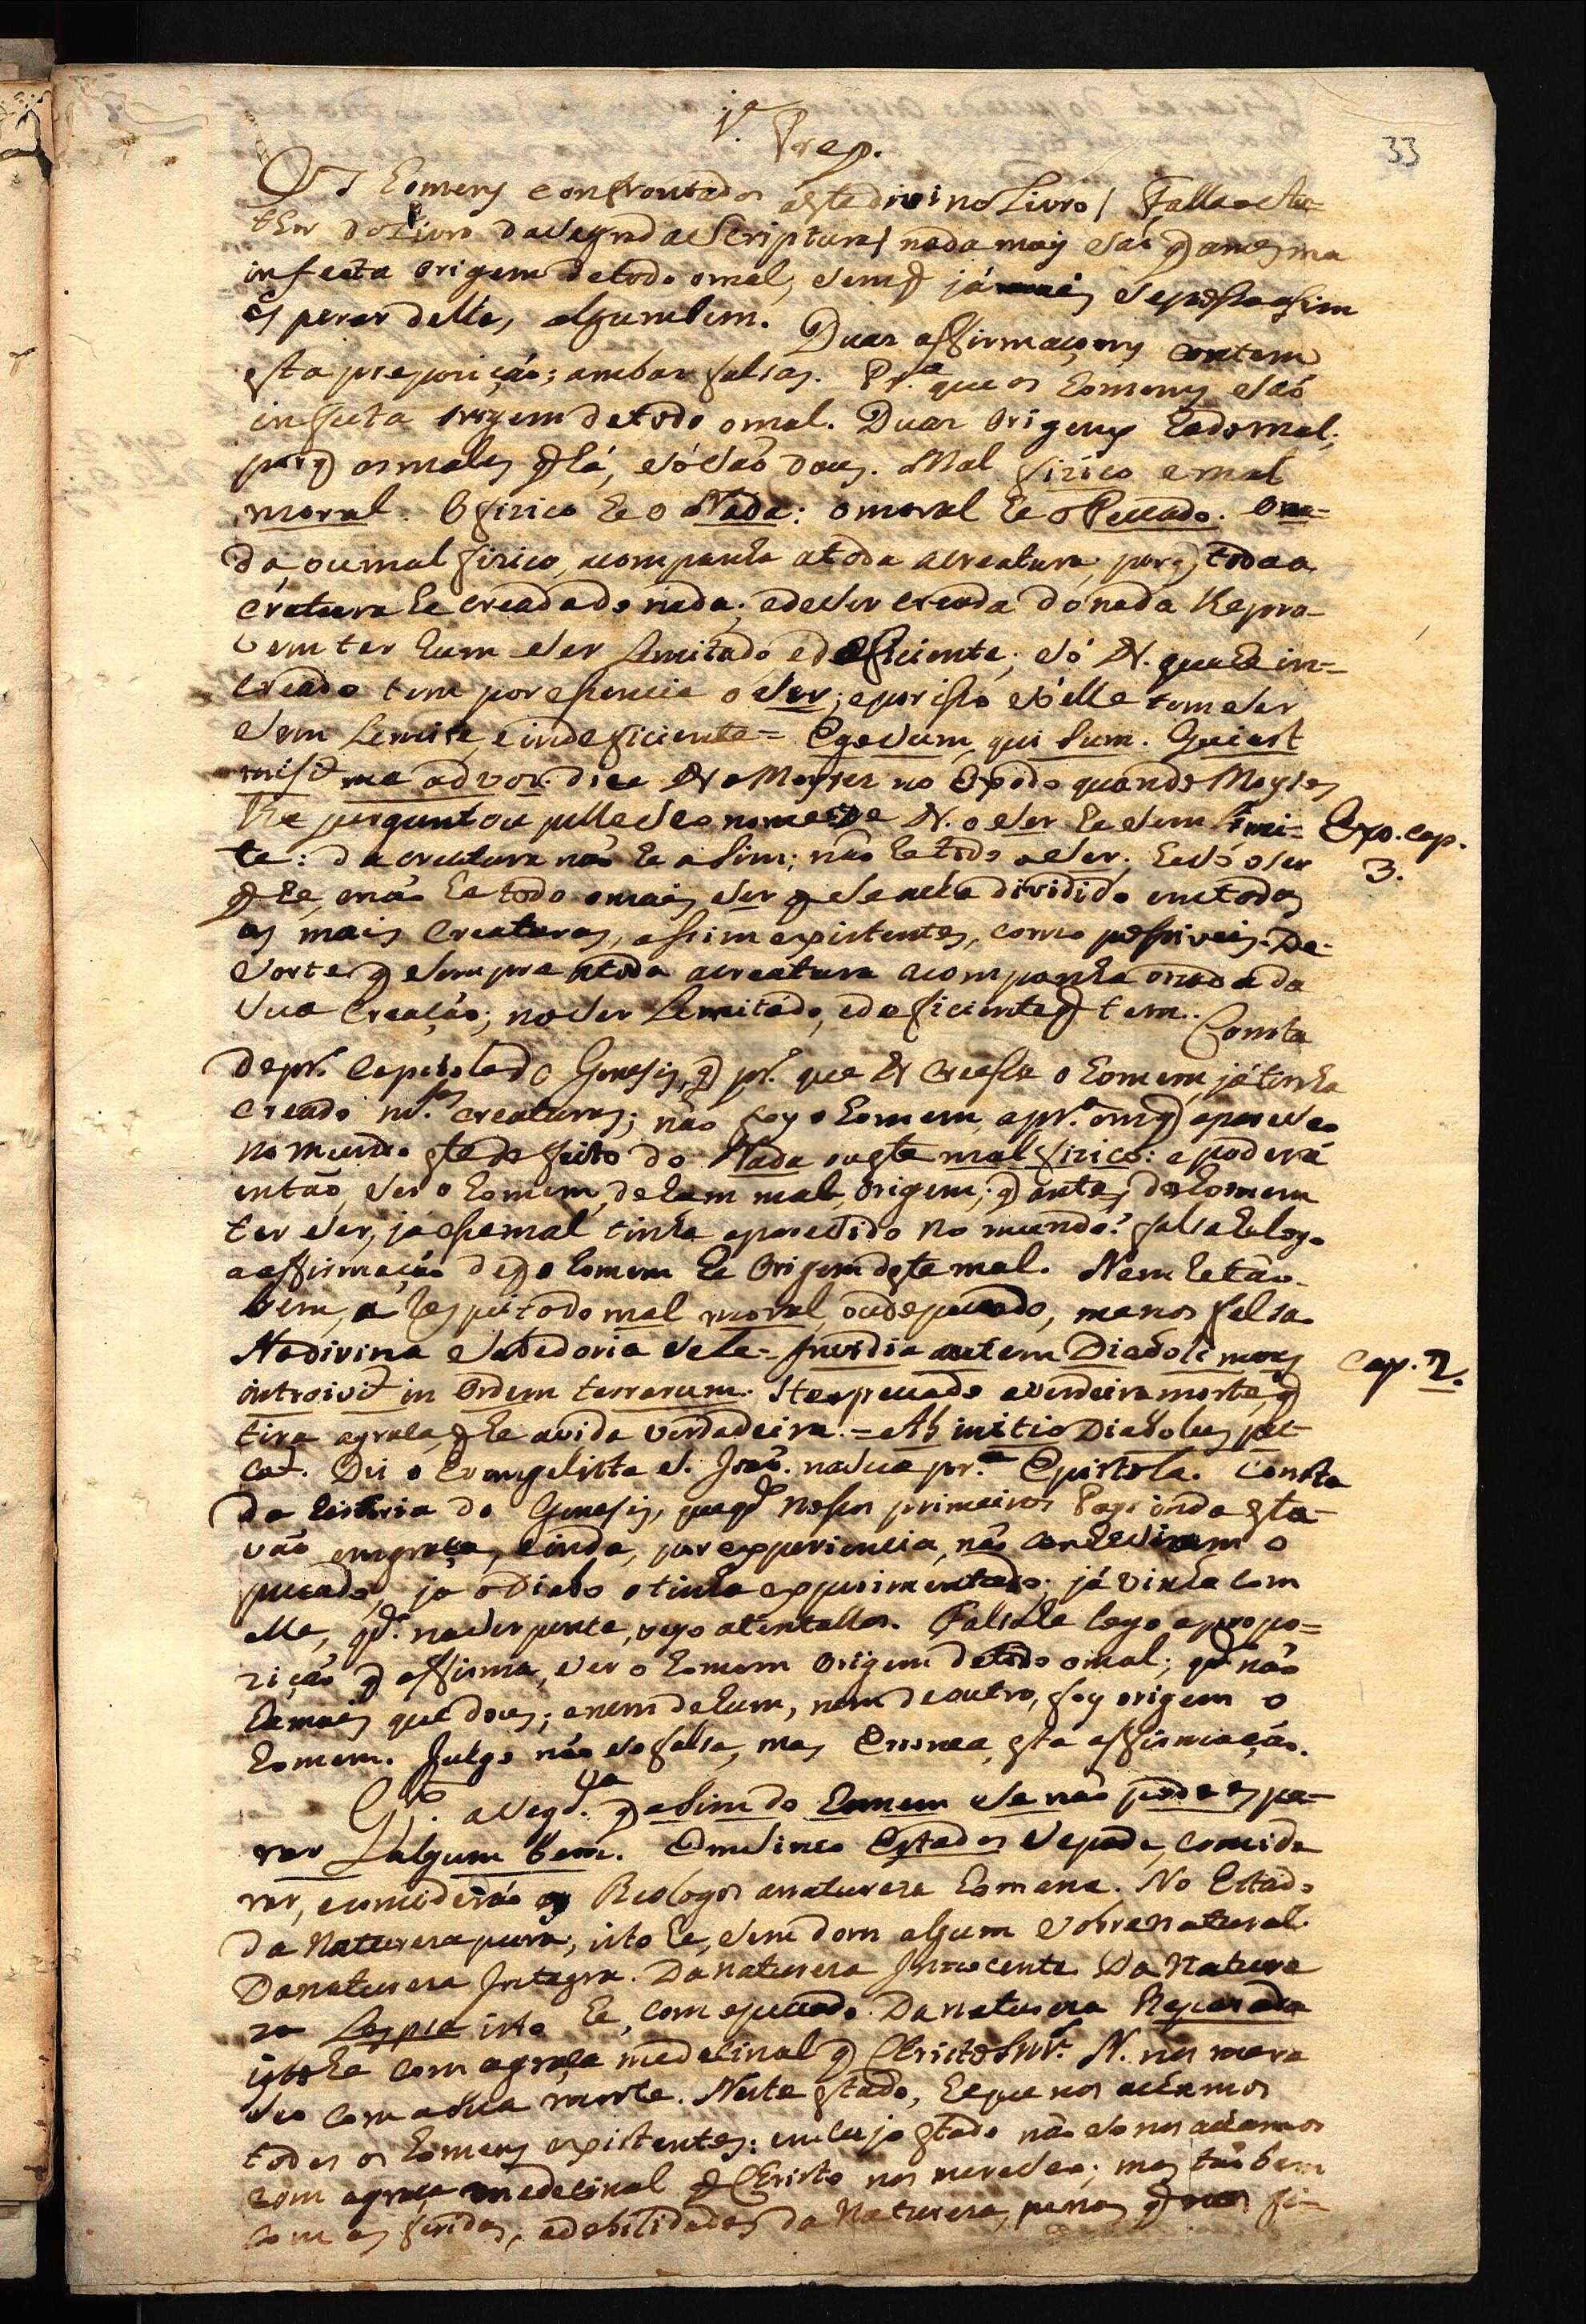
1.a Prep.
Os homens confrontados a este divino Livro / Falla o Au
thor do Livro da segnda Scriptura / nada mais saõ q̄ a mesma
infecta origem de todo o mal, sem q̄ já __is se possa assim
esperar della, algum bem. Duas affirmaçoens contem
esta prepoziçaõ; ambaz falsas. Pr.a que os homems saõ
infecta origem de todo o mal. Duaz origens ha do mal;
porq̄ os males q̄ há, só saõ dous. Mal fizíco e mal
moral. O fizico he o Nada: o moral he o Peccado. o na
da, ou mal fizico, acompanha a toda a creatura; porq̄ toda a
cretura he creada do nada; e de ser creada do nada lhe pro
vem ter hum ser Lemitado, e d_ficiente; só Ds. que he in
creado tem por essencia o ser; e por isso só elle tem ser
sem Lemite, e indeficiente = Ego sum, qui sum. Qui est
misit me ad voz. dice Ds a Moysez no Exodo quando Moyses
lhe perguntou pelle seo nome de Ds. o ser he sem Limi
Exo. cap.
3.
te: da creatura naõ he asim; não he todo o ser; he só o ser
q̄ he, e naõ he todo o mais ser q̄ se acha dividido em todas
as mais creaturas, assim existentes, como possiveis. De
sorte q̄ sempre a toda a creatura acompanha o nada da
sua creação; no ser Lemitado, e deficiente q̄ tem. Consta
de pr.o capetolo do Genesis, q̄ pr.o que Ds. Creasse o homem já tinha
creado m.tas creaturas; naõ foy o homem, o pr.o em q̄ apareseo
no mundo este defeito do Nada ou este mal fizico: e poderá
então, ser o homem, de hum mal, origem; q̄ antes do homem
ter ser, já esse mal tinha aparesido no mundo? falsa he logo
a affirmação de q̄ o homem he Origem deste mal. Nem he tão
bem, a Respeito do mal moral, ou de peccado, menos falsa
Na divina sabedoria dele = Jnuidia autem Diaboli mors
Cap.2.
introivit in ordem terrarum. Iten peccado a verdeira morte, q̄
tira a graca, q̄ he a vida verdadeira .= Ab initio Diabolus pec
cat. Dei o Evangelista S. Joaõ. na sua pr.a Epistola. consta
da historia do Genesis, que pro no seos primeiros Pays inda esta
vão em graça, e inda, por experiencia, naõ conhesiam o
peccado, ja o Diabo o tinha experimentado; já vinha com
elle, qd.o na serpente, veyo a tentallos. Falso he Logo a propo
ziçaõ q̄ affirma, ser o homem origem de todo o mal; qdo naõ
he mais que dous; e nem de hum, nem de outro, foy origem o
homem. Julgo não so falsa, mas Erronea, esta affirmação.
Q.to a segd.a q̄ aSim do homem se naõ pode espe
rar algum bem. Em sinco Estados se pode, concide
rar, e conciderão os Theologos a natureza homana No Estado
da natureza pura; isto hé, sem dom algum sobrenatural.
Da natureza Jntegra. Da natureza Jnnocente Da nature
za Laspsa isto he, com o peccado. Da natureza Reparada
isto he com a graça medecinal q̄ Christo Snr̄. N. nos mere
seo com a Sua morte. Neste estado, he que nos achamos
todos os homens existentes: em cujo estado não so nos achamos
com a graça medecinal q̄ Christo nos mereseo; mas taobem
com as feridas, e debilidades da natureza, penas q̄
nos fi
